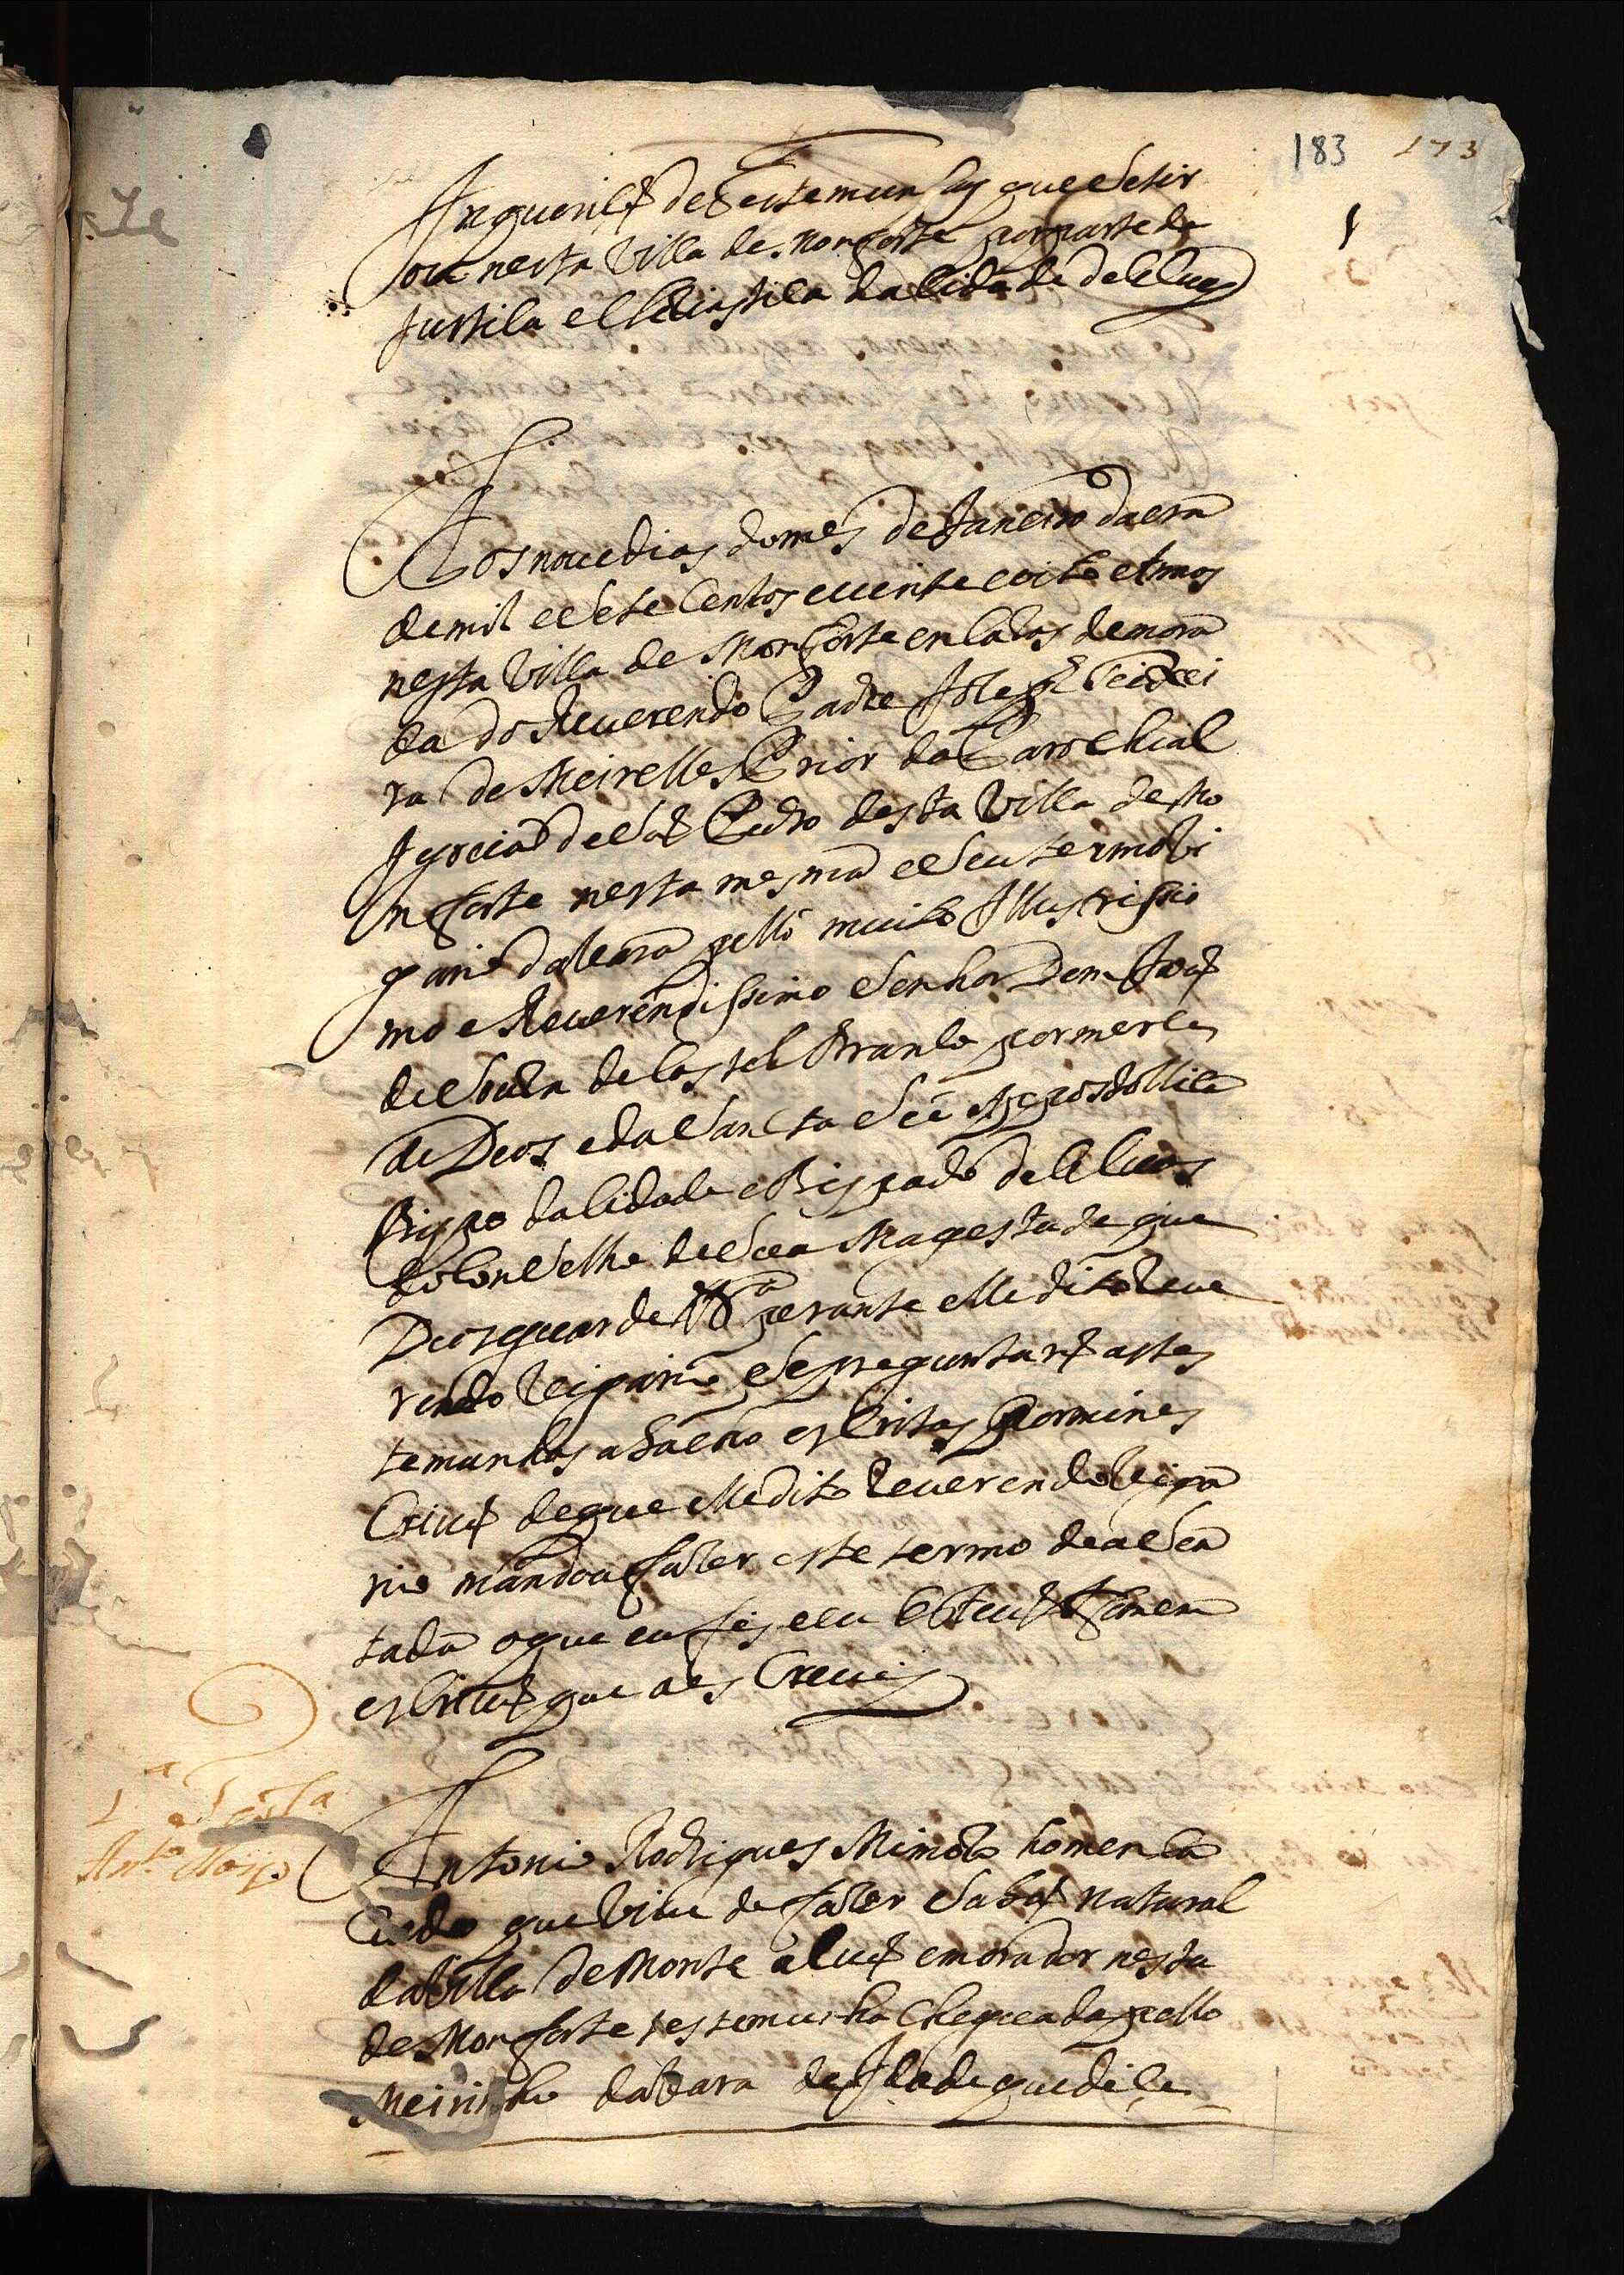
1.a Testa.
An.to Rois
Jnqueriçaõ de Testemunhas que se tir
ou nesta Villa de Monforte por parte da
Justiça ecleziastica da Cidade de Eluas
Aos noue dias do mes de Janeiro da era
de mil e setecentos e uinte e oito Annos
nesta Villa de Monforte en cazas de mora
da do Reuerendo Padre Jozeph Teixei
ra de Meirelles Prior da Parochial
Jgreia de Saõ Pedro desta Villa de Mo
nforte nesta mesma e Seu termo Vi
gario da Vara pello muito Illustrissio
mo e Reuerendissimo Senhor Dom Joaõ
de Souza de Castel Branco por merce
de Deos e da Sancta Seé Appostollica
Bispo da Cidade e Bispado de Eluas
do Conselho de Sua Magestade que
Deos guarde &a perante elle dito Reue
rendo Vigario Se preguntaraõ as tes
temunhas abacho escritas pro min es
Criuaõ de que elle dito Reuerendo Viga
rio mandou fazer este termo de aSen
tada o que eu fis e eu Esteuaõ Homem
esCriuaõ que a esCreuy
Antonio Rodrigues MimoZo homen Ca
Zado que viue de fazer sabaõ natural
da villa de Monte aluaõ e morador nesta
de Monforte testemunha cheguada pello
Meiri_ho da Vara de Jdade que dice
173
1
